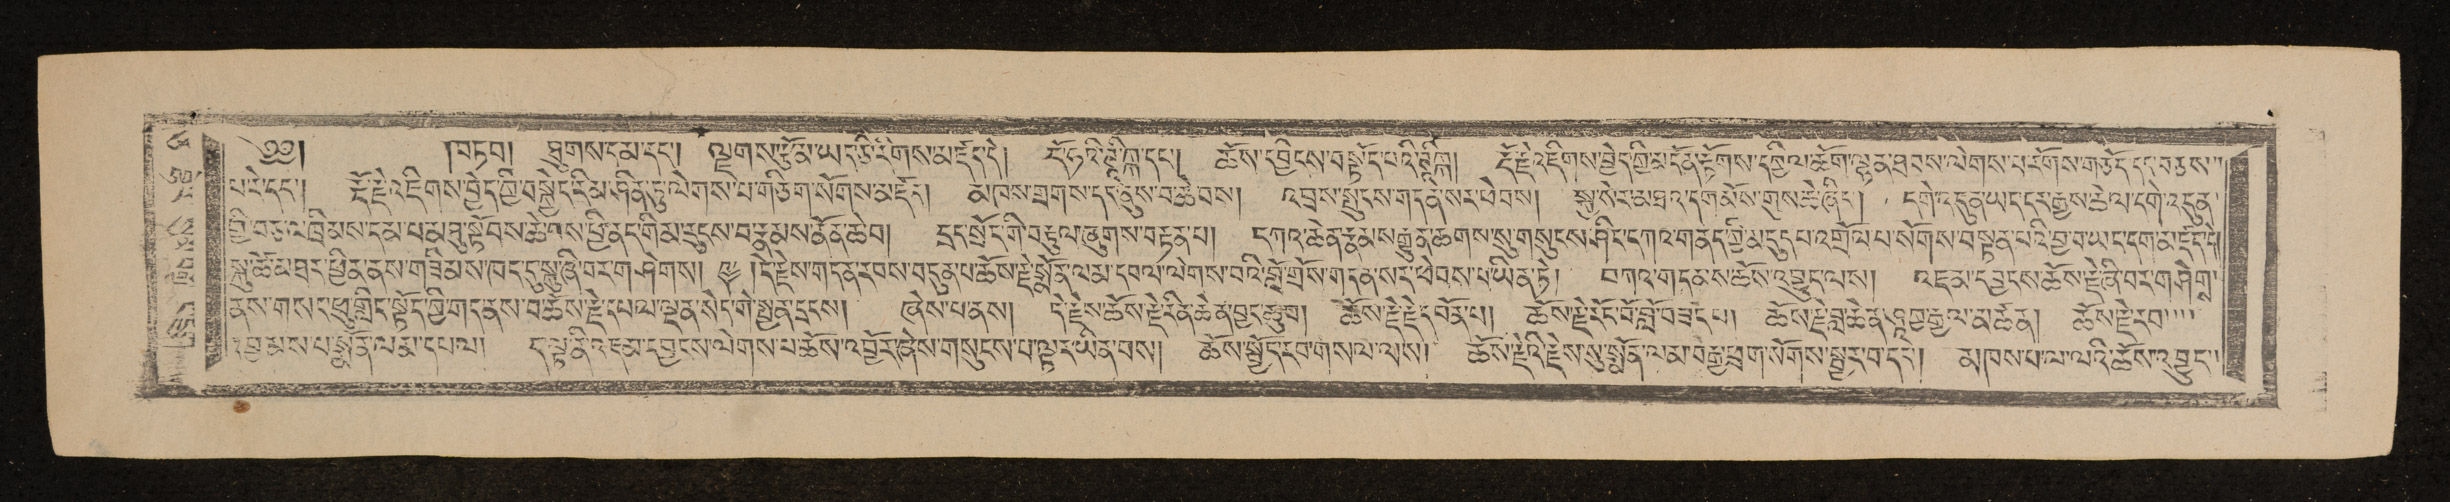༄༅། །བཏབ། ཐུགས་དམ་དང་། ལྗགས་རྩོམ་ཡང་ཅི་རིགས་མཛད་དེ། དོ་ཧའི་ཊཱིཀྐ་དང་། ཆོས་དབྱིངས་བསྟོད་པའི་ཊཱིཀྐ། རྡོ་རྗེ་འཇིགས་བྱེད་ཀྱི་མངོན་རྟོགས་དཀྱིལ་ཆོག་ལྷན་ཐབས་ལེགས་པ་དགོས་གཅོད་དང་བཅས་
པ་རེ་དང་། རྡོ་རྗེ་འཇིགས་བྱེད་ཀྱི་བསྐྱེད་རིམ་ཤིན་ཏུ་ལེགས་པ་གཅིག་སོགས་མཛད། མཁས་གྲགས་དང་ནུས་པ་ཆེ་བས། འབྲས་སྤུངས་གདན་སར་ཕེབས། སྐྱ་སེར་མཐའ་དག་མོས་གུས་ཆེ་ཞིང་། དགེ་འདུན་ཡང་ངར་རྒྱས་ཆེལ་དགེ་འདུན་
གྱི་བཅའ་ཁྲིམས་དམ་པ་མཐུ་སྟོབས་ཆེ་བས་ཕྱི་ནང་གི་མ་རུངས་པ་རྣམས་ནོན་ཆེ་བ། དྲང་སྲོང་གི་བརྟུལ་ཞུགས་བརྟན་པ། དཀའ་ཆེན་རྣམས་རྒྱུན་ཆགས་སུ་གསུངས་ཤིང་དཀའ་གནང་ཀྱི་མདུད་པ་འགྲོལ་པ་སོགས་བསྟན་པའི་བྱ་བ་ཡང་དག་མཛད་དེ།
སྐུ་ཚེ་མཐར་ཕྱིན་ནས་གཟིམས་ཁང་དུ་སྐུ་ཞི་བར་གཤེགས། ༈ །དེ་རྗེས་གདན་རབས་བདུན་པ་ཆོས་རྗེ་སྨོན་ལམ་དཔལ་ལེགས་པའི་བློ་གྲོས་གདན་སར་ཕེབས་པ་ཡིན་ཏེ། བཀའ་གདམས་ཆོས་འབྱུང་ལས། འཇམ་དབྱངས་ཆོས་རྗེ་ཞི་བར་གཤེགས་
ནས་གསང་ཕུ་གླིང་སྟོད་ཀྱི་གདན་ས་བ་ཆོས་རྗེ་དཔལ་ལྡན་སེང་གེ་སྤྱན་དྲངས། ཞེས་པ་ནས། དེ་རྗེས་ཆོས་རྗེ་རིན་ཆེན་བྱང་ཆུབ། ཆོས་རྗེ་རྗེ་དབོན་པ། ཆོས་རྗེ་རོང་པོ་བླ་བཟང་པ། ཆོས་རྗེ་བླ་ཆེན་ཤཱཀྱ་རྒྱལ་མཚན། ཆོས་རྗེ་རབ་
འབྱམས་པ་སྨོན་ལམ་དཔལ། ད་ལྟ་ནི་འཇམ་དབྱངས་ལེགས་པ་ཆོས་འབྱོར་ཞེས་གསུངས་པ་ལྟར་ཡིན་པས། ཆོས་སྤྱོད་རབ་གསལ་ལས། ཆོས་རྗེའི་རྗེས་སུ་སྨོན་ལམ་བརྒྱ་ཕྲག་སོགས་སྦྱར་བ་དང་། མཁས་པ་ལ་ལའི་ཆོས་འབྱུང་